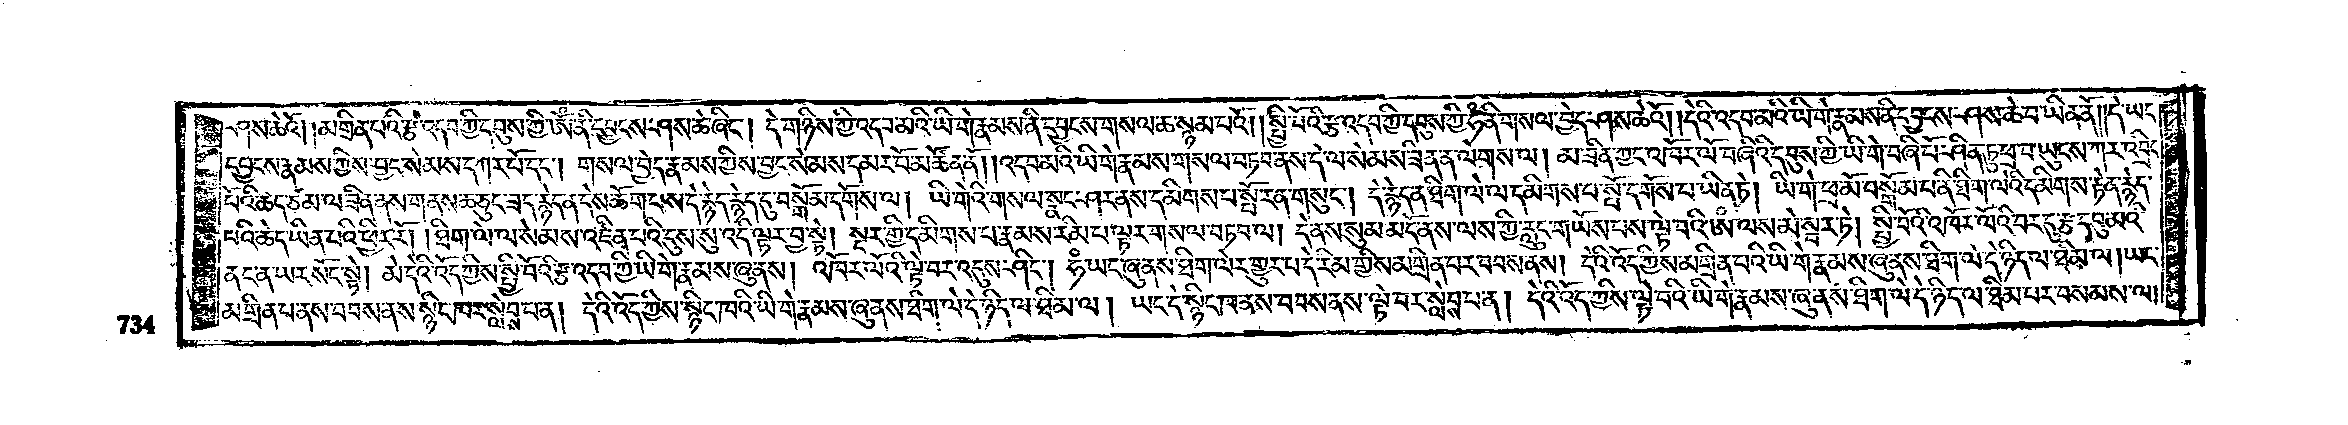ཤས་ཆེའོ། །མགྲིན་པའི་རྩ་འདབ་ཀྱི་དབུས་ཀྱི་ཨོཾ་ནི་དབྱངས་ཤས་ཆེ་ཞིང་། དེ་གཉིས་ཀྱི་འདབ་མའི་ཡི་གེ་རྣམས་ནི་དབྱངས་གསལ་ཆ་སྙམ་པའོ། །སྤྱི་བོའི་རྩ་འདབ་ཀྱི་དབུས་ཀྱི་ཧཾ་ནི་གསལ་བྱེད་ཤས་ཆེའོ། །དེའི་འདབ་མའི་ཡི་གེ་རྣམས་ནི་དབྱངས་ཤས་ཆེ་བ་ཡིན་ནོ། །དེ་ཡང་
དབྱངས་རྣམས་ཀྱིས་བྱང་སེམས་དཀར་པོ་དང་། གསལ་བྱེད་རྣམས་ཀྱིས་བྱང་སེམས་དམར་པོ་མཚོན་ནོ། །འདབ་མའི་ཡི་གེ་རྣམས་གསལ་བཏབ་ནས་དེ་ལ་སེམས་ཟིན་ན་ལེགས་ལ། མ་ཟིན་ཀྱང་འཁོར་ལོ་བཞིའི་དབུས་ཀྱི་ཡི་གེ་བཞི་པོ་ཤིན་ཏུ་ཕྲ་བ་ཡུངས་ཀར་འབྲིང་
པོའི་ཚད་ཙམ་ལ་ཟིན་ནས་གནས་ཆ་ཅུང་ཟད་རྙེད་ན་དེས་ཆོག་པས་དེ་རྙེད་རྙེད་དུ་བསྒོམ་དགོས་ལ། ཡི་གེའི་གསལ་སྣང་ཤར་ནས་དམིགས་པ་སྤོ་རན་གསུང་། དེ་རྙེད་ན་ཐིག་ལེ་ལ་དམིགས་པ་སྤོ་དགོས་པ་ཡིན་ཏེ། ཡི་གེ་ཕྲ་མོ་བསྒོམ་པ་ནི་ཐིག་ལེའི་དམིགས་རྟེན་རྙེད་
པའི་ཆེད་ཡིན་པའི་ཕྱིར་རོ། །ཐིག་ལེ་ལ་སེམས་འཛིན་པའི་དུས་སུ་འདི་ལྟར་བྱ་སྟེ། སྔར་གྱི་དམིགས་པ་རྣམས་རིམ་པ་ལྟར་གསལ་བཏབ་ལ། དེ་ནས་སུམ་མངོན་ས་ལས་ཀྱི་རླུང་གཡོས་པས་ལྟེ་བའི་ཨཾ་ལས་མེ་སྦར་ཏེ། སྤྱི་བོའི་འཁོར་ལོའི་བར་དུ་རྩ་དབུ་མའི་
ནང་ན་ཡར་སོང་སྟེ། མེ་དེའི་འོད་ཀྱིས་སྤྱི་བོའི་རྩ་འདབ་ཀྱི་ཡི་གེ་རྣམས་ཞུ་ནས། འཁོར་ལོའི་ལྟེ་བར་འདུས་ཤིང་། ཧཾ་ཡང་ཞུ་ནས་ཐིག་ལེར་གྱུར་པ་དེ་རིམ་གྱིས་མགྲིན་པར་བབས་ནས། དེའི་འོད་ཀྱིས་མགྲིན་པའི་ཡི་གེ་རྣམས་ཞུ་ནས་ཐིག་ལེ་དེ་ཉིད་ལ་ཐིམ་ལ། ཡང་
མགྲིན་པ་ནས་བབས་ནས་སྙིང་ཁར་སླེབས་པ་ན། དེའི་འོད་ཀྱིས་སྙིང་ཁའི་ཡི་གེ་རྣམས་ཞུ་ནས་ཐིག་ལེ་དེ་ཉིད་ལ་ཐིམ་ལ། ཡང་དེ་སྙིང་ཁ་ནས་བབས་ནས་ལྟེ་བར་སླེབས་པ་ན། དེའི་འོད་ཀྱིས་ལྟེ་བའི་ཡི་གེ་རྣམས་ཞུ་ནས་ཐིག་ལེ་དེ་ཉིད་ལ་ཐིམ་པར་བསམས་ལ།